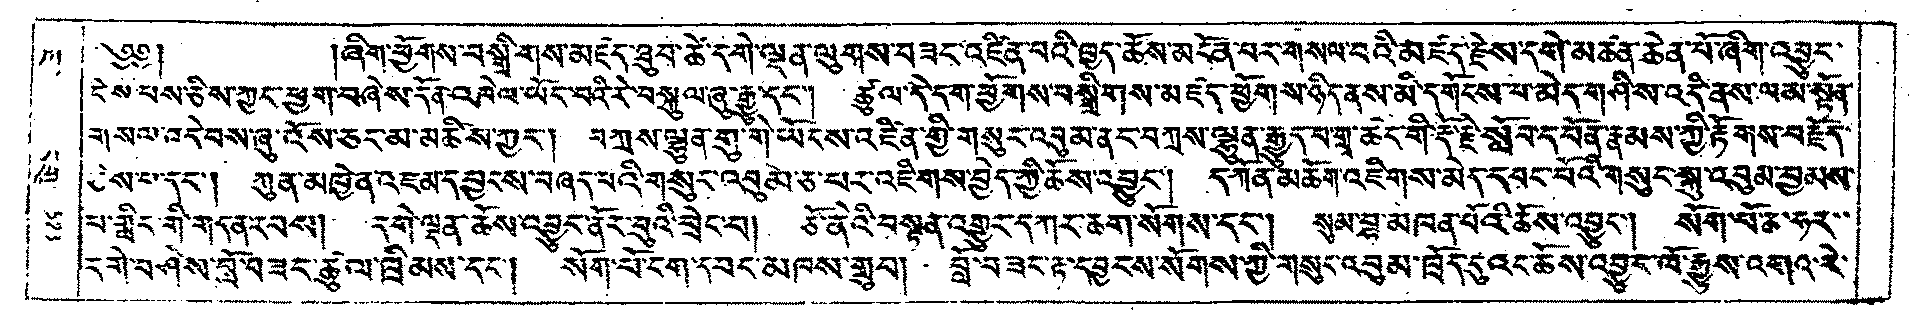༄༅། །ཞིག་ཕྱོགས་བསྒྲིགས་མཛད་ཐུབ་ཚེ་དགེ་ལྡན་ལུགས་བཟང་འཛིན་པའི་ཁྱད་ཆོས་མངོན་པར་གསལ་བའི་མཛད་རྗེས་དགེ་མཚན་ཆེན་པོ་ཞིག་འབྱུང་
ངེས་པས་ཅིས་ཀྱང་ཕྱག་བཞེས་དོན་འཁེལ་ཡོང་བའི་རེ་བསྐུལ་ཞུ་རྒྱུ་དང་། ཚུལ་དེ་དག་ཕྱོགས་བསྒྲིགས་མཛད་ཕྱོགས་ཉིད་ནས་མི་དགོངས་པ་མེད་གཤིས་འདི་ནས་ལམ་སྟོན་
གསལ་འདེབས་ཞུ་འོས་ཅང་མ་མཆིས་ཀྱང་། བཀྲས་ལྷུན་གུ་གེ་ཡོངས་འཛིན་གྱི་གསུང་འབུམ་ནང་བཀྲས་ལྷུན་རྒྱུད་པ་གྲྭ་ཚང་གི་རྡོ་རྗེ་སློབ་དཔོན་རྣམས་ཀྱི་རྟོགས་བརྗོད་
ཅེས་པ་དང་། ཀུན་མཁྱེན་འཇམ་དབྱངས་བཞད་པའི་གསུང་འབུམ་ཅ་པར་འཇིགས་བྱེད་ཀྱི་ཆོས་འབྱུང་། དཀོན་མཆོག་འཇིགས་མེད་དབང་པོའི་གསུང་སྐུ་འབུམ་བྱམས་
པ་གླིང་གི་གདན་རབས། དགེ་ལྡན་ཆོས་འབྱུང་ནོར་བུའི་ཕྲེང་བ། ཅོ་ནེའི་བསྟན་འགྱུར་དཀར་ཆག་སོགས་དང་། སུམ་བྷ་མཁན་པོའི་ཆོས་འབྱུང་། སོག་པོ་ཆ་ཧར་
དགེ་བཤེས་བློ་བཟང་ཚུལ་ཁྲིམས་དང་། སོག་པོ་ངག་དབང་མཁས་གྲུབ། བློ་བཟང་རྟ་དབྱངས་སོགས་ཀྱི་གསུང་འབུམ་ཁྲོད་དུའང་ཆོས་འབྱུང་ལོ་རྒྱུས་འགའ་རེ་